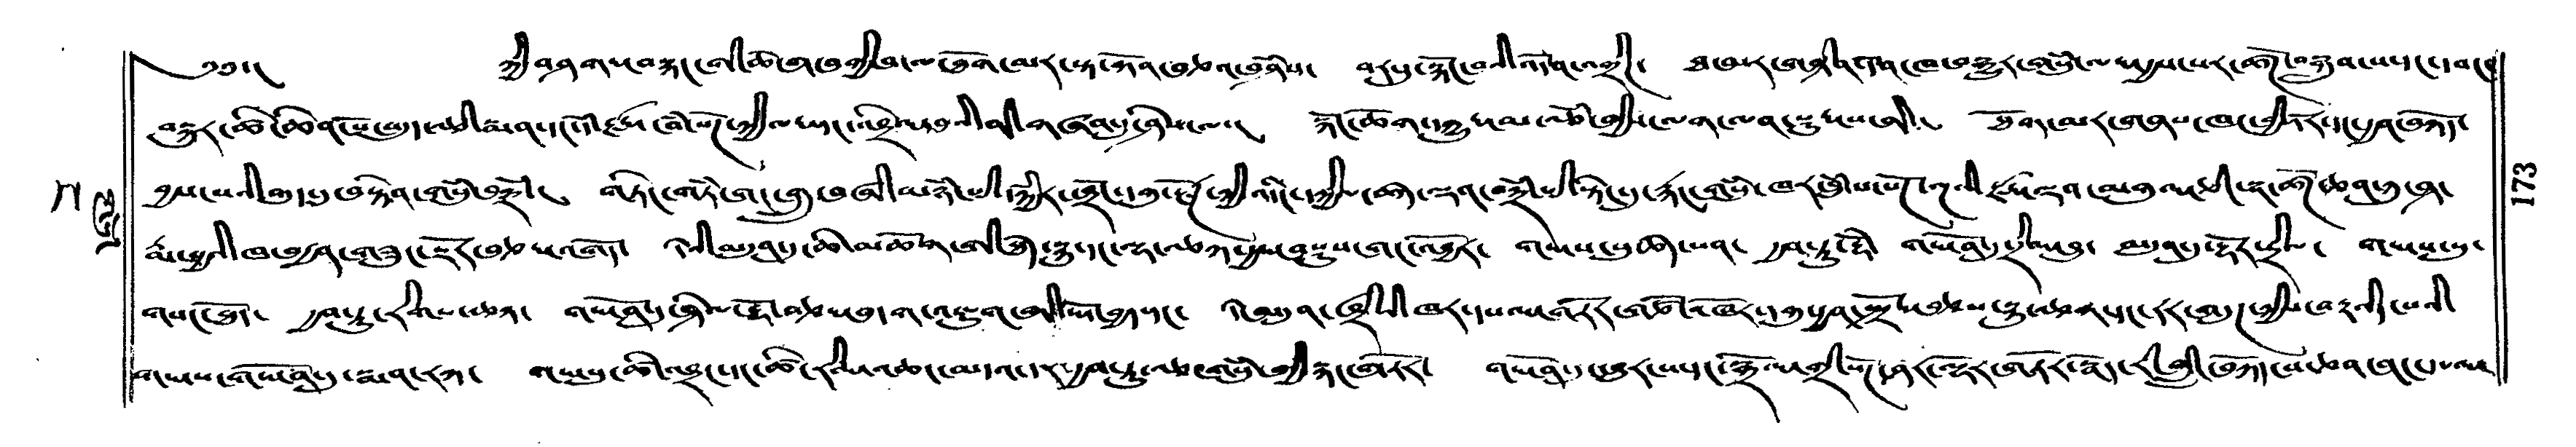ཀྱི་བཤགས་སྐོང་གི་ཆོ་ག་བགྱི་བ་ལ་ཐོག་མར་སྟ་གོན་བཅའ་ཤོམ། བར་དུ་སྐོང་བའི་འདོན་འགྲིགས། ཐ་མར་གཤིན་དོན་ཁ་སྒྱུར་གསུམ་ལས་རྒྱས་པར་ཚོགས་སྒྲུབ་པ་དང་དབང་
སྐུར་གྱི་ཚེ། ཆེན་པོ་བདུད་རྩི་སྨན་དང་དམ་རྫས་བམ་སོགས་ཀྱི་ལས་དང་འབྲེལ་བ་ནི་གཞན་དུ་ཤེས་ལ། སྐོང་ཆོག་དཀྱུས་མ་ཙམ་གྱིས་ལག་ལེན་བསྡུས་པ་ནི། ཐོག་མར་གནས་ཁང་བྱི་དོར་དང་རྒྱན་བཀོད་
བྱས་པའི་གུད་དུ་བསྟེན་གསུམ་དགྲམ། སྟེགས་འདོམ་གང་གྲུ་བཞི་མཉམ་པར་དཀྱིལ་འཁོར་ཕ་བྲང་སྒོ་རྫོགས་ཀྱི་འདིང་དཀྱིལ་ཚད་ལྡན་བཀྲམ་པའི་སྟེང་དུ་རྐང་གསུམ་ཁར་བུམ་པ་སོ་ལྔའི་རྫས་ལྡན་མགུལ་ཆིངས་སྣ་ཚོགས་ཅན་ཀུ་ཤ་
རྨ་བྱའི་ཁ་བརྒྱན་གཟུངས་རྡོར་བཅས་འགོད། དེའི་མདུན་དུ་ཆེ་མཆོག་གི་ཐོད་སྐུ་དང་ལྷ་ཙཀ་རྒྱས་བསྡུས་གང་འབྱོར། གཡས་སུ་ཅོན་པན། རྒྱབ་ཏུ་རྡོ་རྗེ། གཡོན་དུ་དྲིལ་བུ། མདུན་དུ་རྡོར་དྲིལ། གཡས་སུ་
གསང་ཐོད། རྒྱབ་ཏུ་རིག་ཙཀ། གཡོན་དུ་ཤེལ་རྡོ་བཅས་བདག་འཇུག་གི་ཡོ་བྱད་དང་།དེའི་མདུན་ཁྲིའི་ཁར་དཔལ་གཏོར་གཙོ་འཁོར་དགུ་རྒྱན་སྤྲོས་བཅས་སྐུ་ཙཀ་དང་དར་གདུགས་ཀྱིས་བརྒྱན་པའི་
གཡས་གཡོན་དུ་སྨན་རཀ གཡས་སུ་ཚེ་འབྲང་དང་ཚེ་རིལ་ཚེ་ཆང་མདའ་དར། རྒྱབ་ཏུ་རྩ་གསུམ་གྱི་སྐོང་གཏོར། གཡོན་དུ་ཕུར་པ་དང་སྒྲོལ་གྲི་སོགས། ཤར་ལྷོར་གཏོར་སྣོད་རི་གླིང་བཀོད་པ་ཅན་ནང་དཔལ་